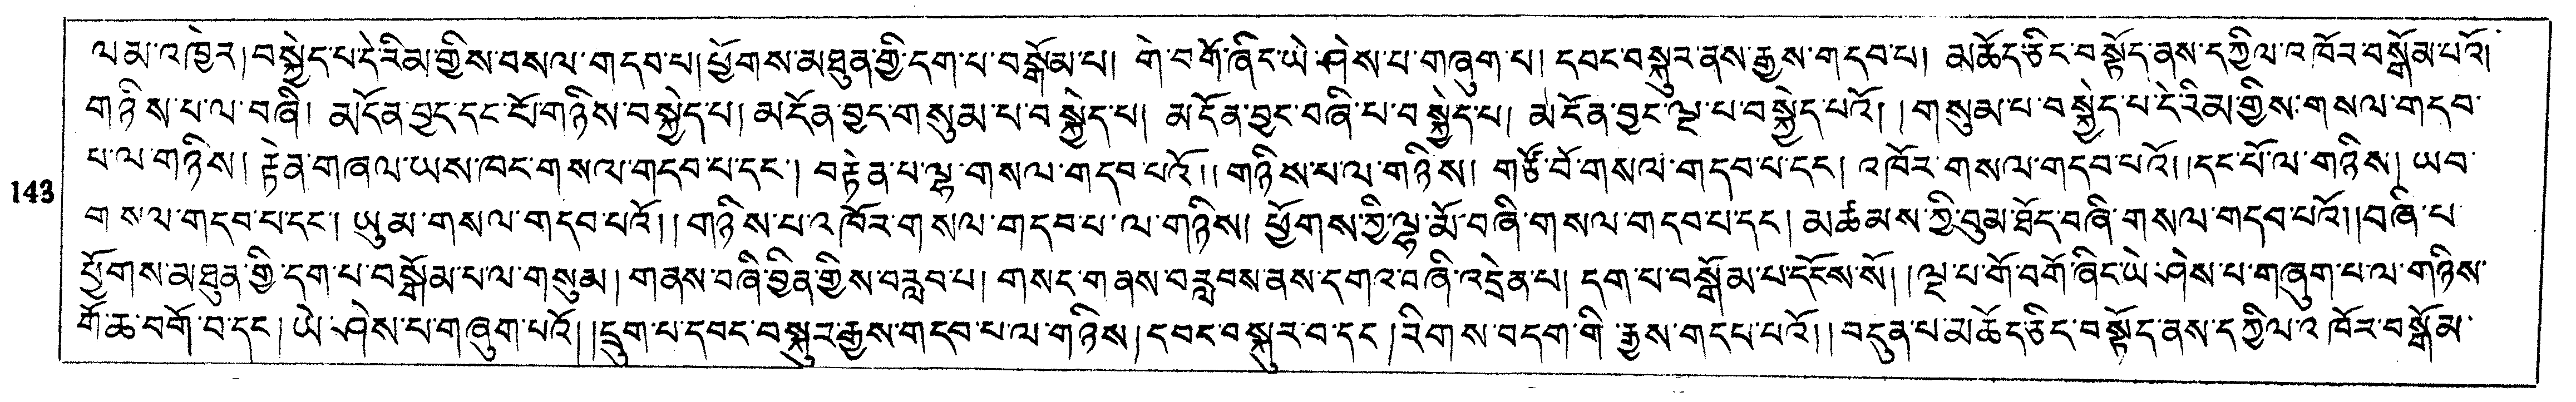ལམ་འཁྱེར། བསྐྱེད་པ་དེ་རིམ་གྱིས་བསལ་གདབ་པ། ཕྱོགས་མཐུན་གྱི་དག་པ་བསྒོམ་པ། གེ་བགོ་ཞིང་ཡེ་ཤེས་པ་གཞུག་པ། དབང་བསྐུར་ནས་རྒྱས་གདབ་པ། མཆོད་ཅིང་བསྟོད་ནས་དཀྱིལ་འཁོར་བསྒོམ་པའོ།
གཉིས་པ་ལ་བཞི། མངོན་བྱང་དང་པོ་གཉིས་བསྐྱེད་པ། མངོན་བྱང་གསུམ་པ་བསྐྱེད་པ། མངོན་བྱང་བཞི་པ་བསྐྱེད་པ། མངོན་བྱང་ལྔ་པ་བསྐྱེད་པའོ། །གསུམ་པ་བསྐྱེད་པ་དེ་རིམ་གྱིས་གསལ་གདབ་
པ་ལ་གཉིས། རྟེན་གཞལ་ཡས་ཁང་གསལ་གདབ་པ་དང་། བརྟེན་པ་ལྷ་གསལ་གདབ་པའོ། །གཉིས་པ་ལ་གཉིས། གཙོ་བོ་གསལ་གདབ་པ་དང་། འཁོར་གསལ་གདབ་པའོ། །དང་པོ་ལ་གཉིས། ཡབ་
གསལ་གདབ་པ་དང་། ཡུམ་གསལ་གདབ་པའོ། །གཉིས་པ་འཁོར་གསལ་གདབ་པ་ལ་གཉིས། ཕྱོགས་ཀྱི་ལྷ་མོ་བཞི་གསལ་གདབ་པ་དང་། མཚམས་ཀྱི་བུམ་ཐོད་བཞི་གསལ་གདབ་པའོ། །བཞི་པ་
ཕྱོགས་མཐུན་གྱི་དག་པ་བསྒོམ་པ་ལ་གསུམ། གནས་བཞི་བྱིན་གྱིས་བརླབ་པ། གསང་གནས་བརླབས་ནས་དགའ་བཞི་འདྲེན་པ། དག་པ་བསྒོམ་པ་དངོས་སོ། །ལྔ་པ་གོ་བགོ་ཞིང་ཡེ་ཤེས་པ་གཞུག་པ་ལ་གཉིས་
གོ་ཆ་བགོ་བ་དང་། ཡེ་ཤེས་པ་གཞུག་པའོ། །དྲུག་པ་དབང་བསྐུར་རྒྱས་གདབ་པ་ལ་གཉིས། དབང་བསྐུར་བ་དང་། རིགས་བདག་གི་རྒྱས་གདབ་པའོ། །བདུན་པ་མཆོད་ཅིང་བསྟོད་ནས་དཀྱིལ་འཁོར་བསྒོམ་